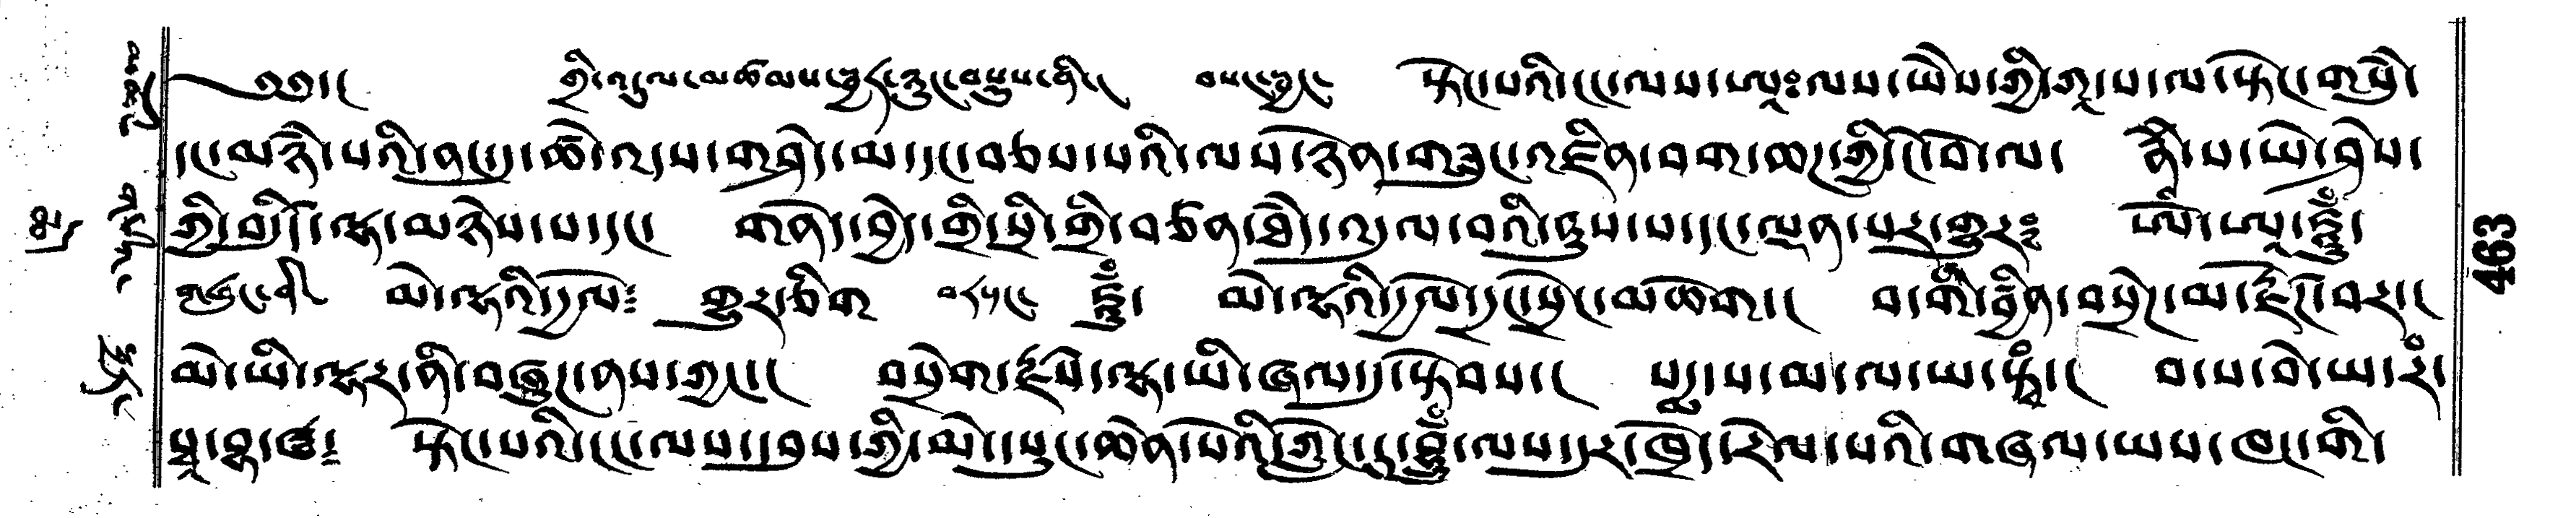༄༅། གྲི་འདུལ་མཚམས་སྦྱོར་ཉུང་བསྡུས་ནི། བསང་སྦྱང་། སྟོང་པའི་ངང་ལས་ཨཱཿལས་ཡེ་ཤེས་ཀྱི་ཀཱ་པ་ལ་སྟོང་གསུམ་
དང་མཉམ་པའི་ནང་དུ་ཚེ་འདས་གཤེད་མ་དང་བཅས་པའི་ལན་ཉོན་གཟུང་འཛིན་བག་ཆགས་ཀྱི་ངོ་བོ་ལ། རྣམ་པ་ཡེ་ཤེས་
ཀྱི་བདུད་རྩི་ལྷ་མཉེས་པ་དང་། གནོད་བྱེད་གྲི་སྲི་གྲི་བཙན་ཐམས་ཅད་འདུལ་བའི་ནུས་པ་དང་ལྡན་པར་གྱུར། ཨོཾ་ཨཱ་ཧཱུྃ། 
གཞུང་ནི། མེ་ལྷའི་རྒྱལ་པོ༴ གྱུར་ཅིག བར་དང་། ཧཱུྃ། མེ་ལྷའི་རྒྱལ་པོ་དྲང་སྲོང་མཆོག བདག་གི་སྦྱིན་སྲེག་མ་རྫོགས་བར། །
མེ་ཡི་ལྷར་ནི་བཞུགས་ནས་ཀྱང་། །བསྲེག་རྫས་ལྷ་ཡི་ཞལ་དུ་སྟོབས། པདྨ་ས་མ་ལ་ཡ་སྟྭཾ། བ་ས་བེ་ཡ་རཾ་
སྭ་བྷ་ཝ༴ སྟོང་པའི་ངང་ལས་དབུས་ཀྱི་མེ་དཔུང་ཆེན་པོའི་ཀློང་དུ་བྷྲུྃ་ལས་དུར་ཁྲོད་རོལ་པའི་གཞལ་ཡས་ཁང་གི་